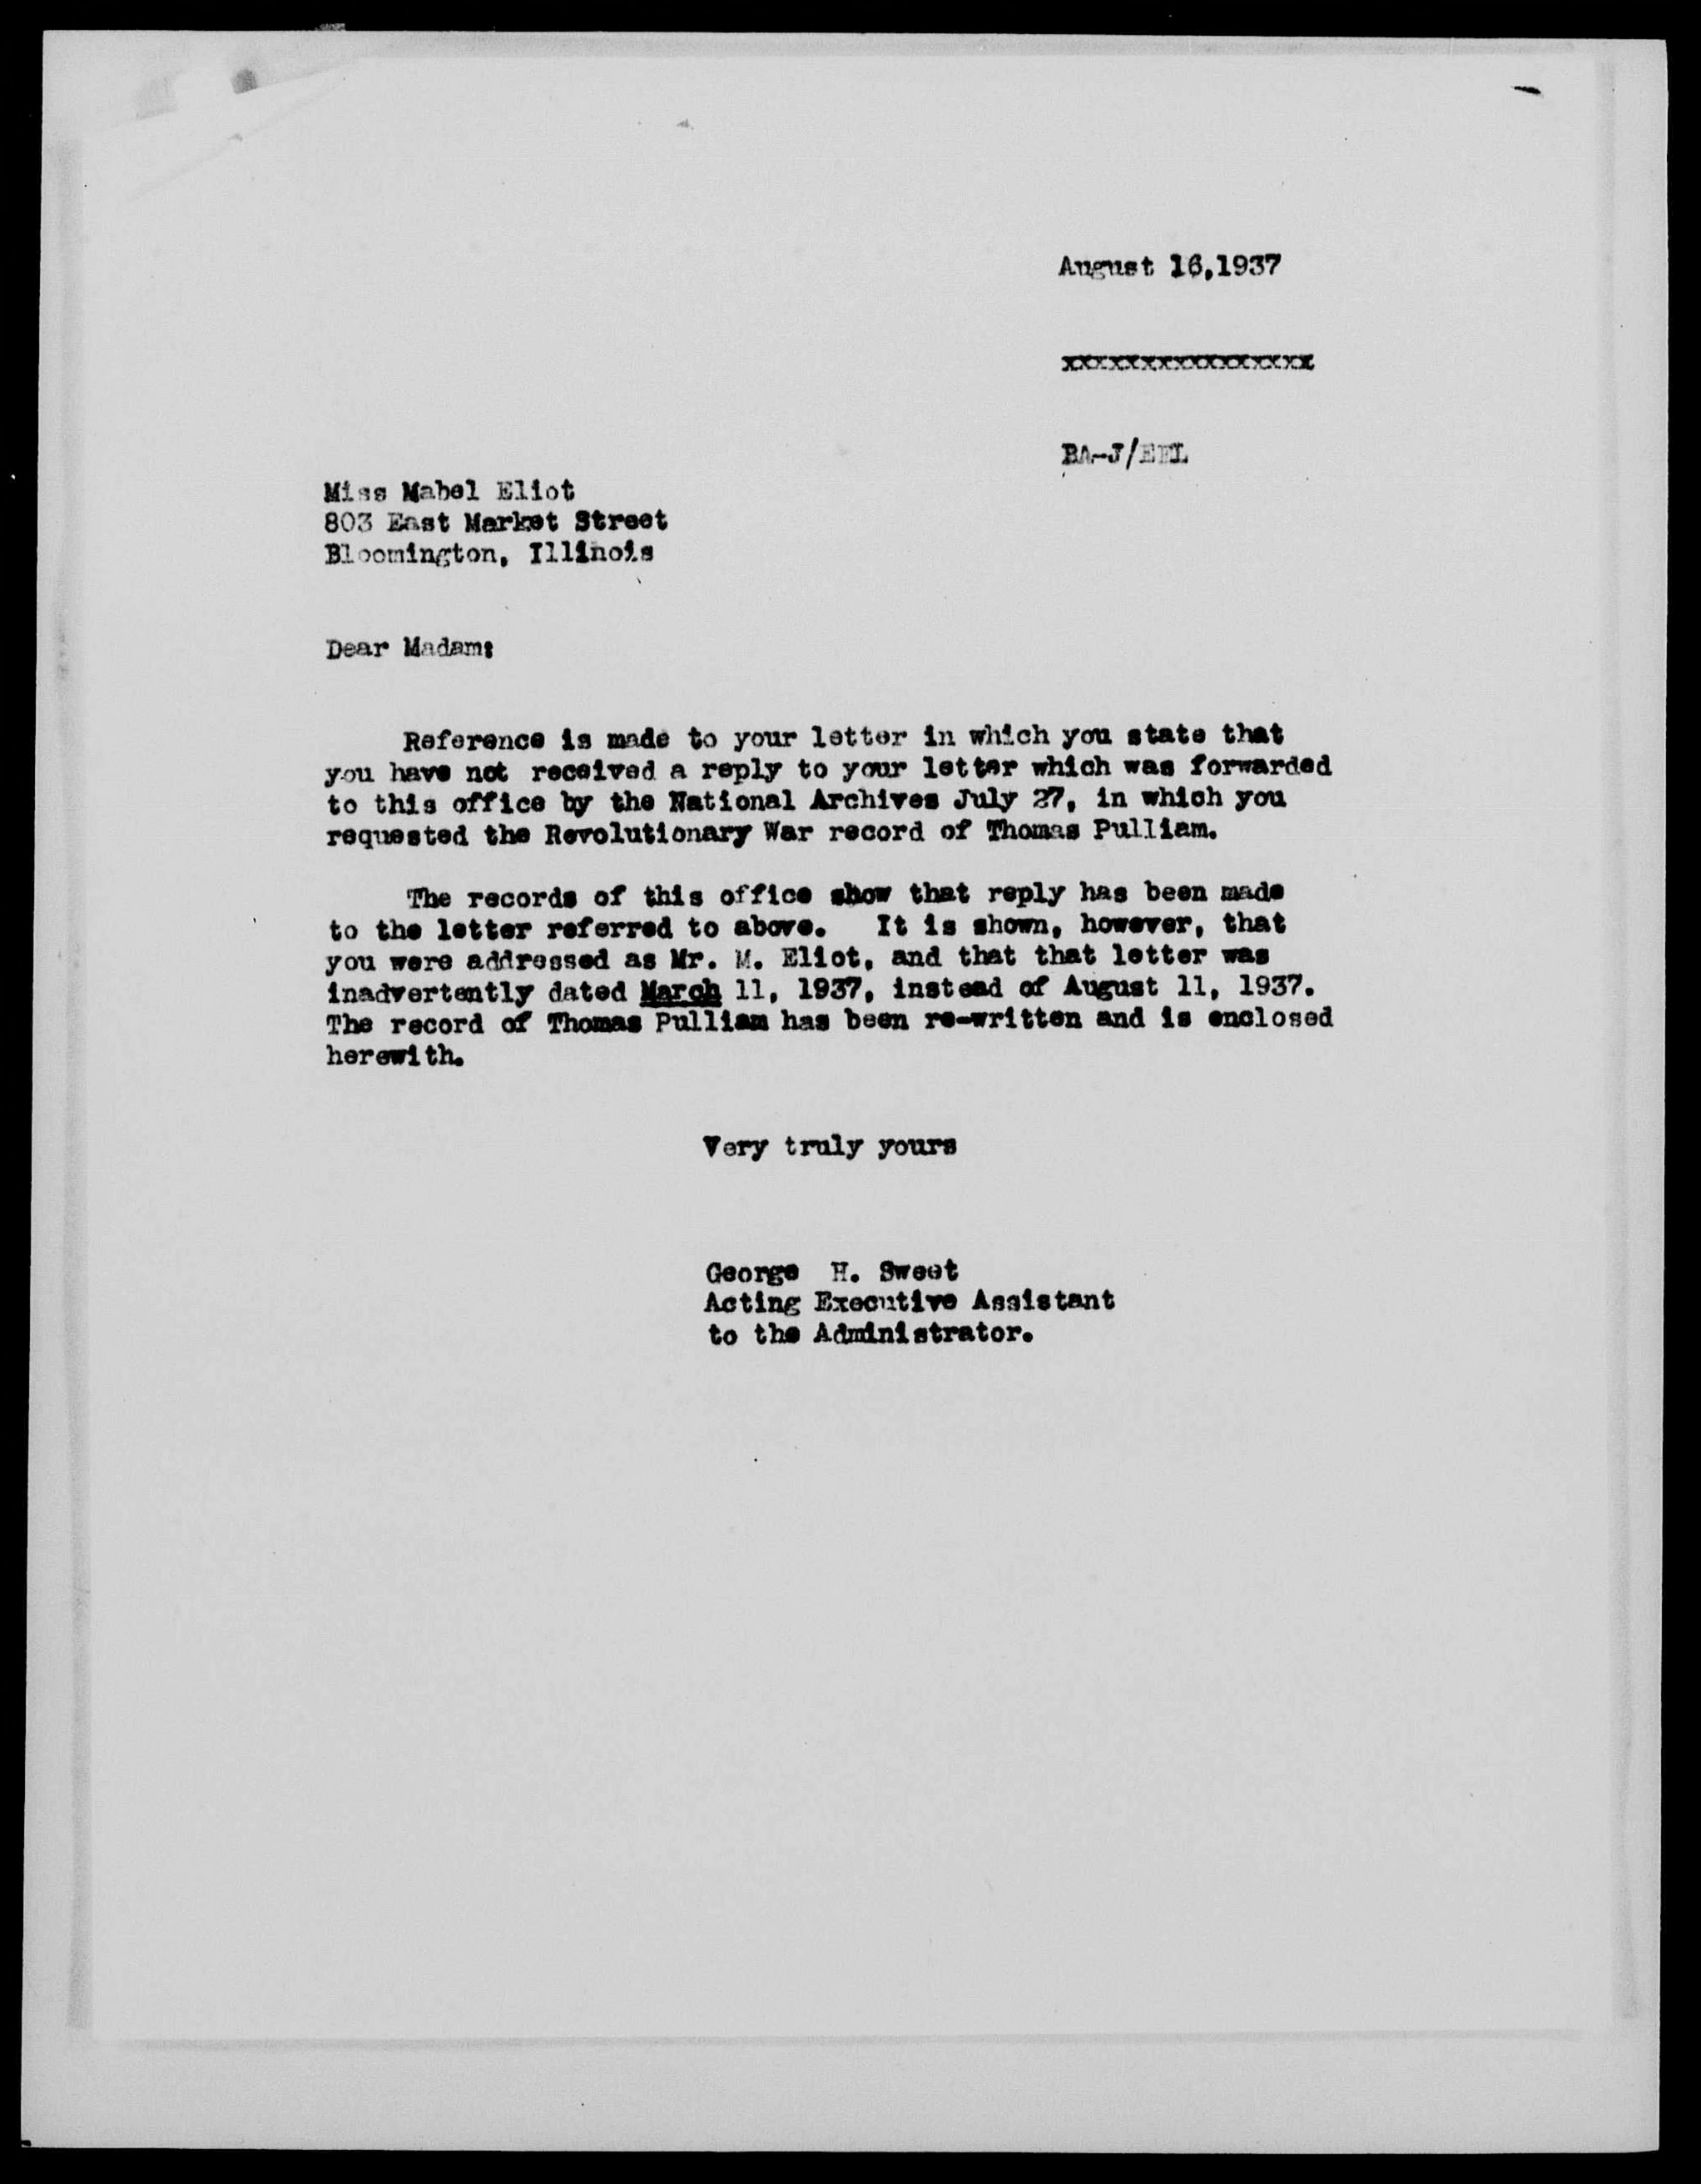August 16, 1937

XXXXXXX
BA-J/EEL

Miss Mabel Eliot
803 East Market Street
Bloomington, Illinois

Dear Madam:

Reference is made to your letter in which you state that
you have not received a reply to your letter which was forwarded
to this office by the National Archives July 27, in which you 
requested the Revolutionary War record of Thomas Pulliam.

The records of this office show that reply has been made
to the letter referred to above. It is shown, however, that
you were addressed as Mr. M. Eliot, and that that letter was
inadvertently dated March 11, 1937, instead of August 11, 1937.
The record of Thomas Pulliam has been re-written and is enclosed
herewith.

Very truly yours

George H. Sweet
Acting Executive Assistant
to the Administrator.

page: 8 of 27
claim: survivor's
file: S. 5,955, for Thomas Pulliam, Virginia